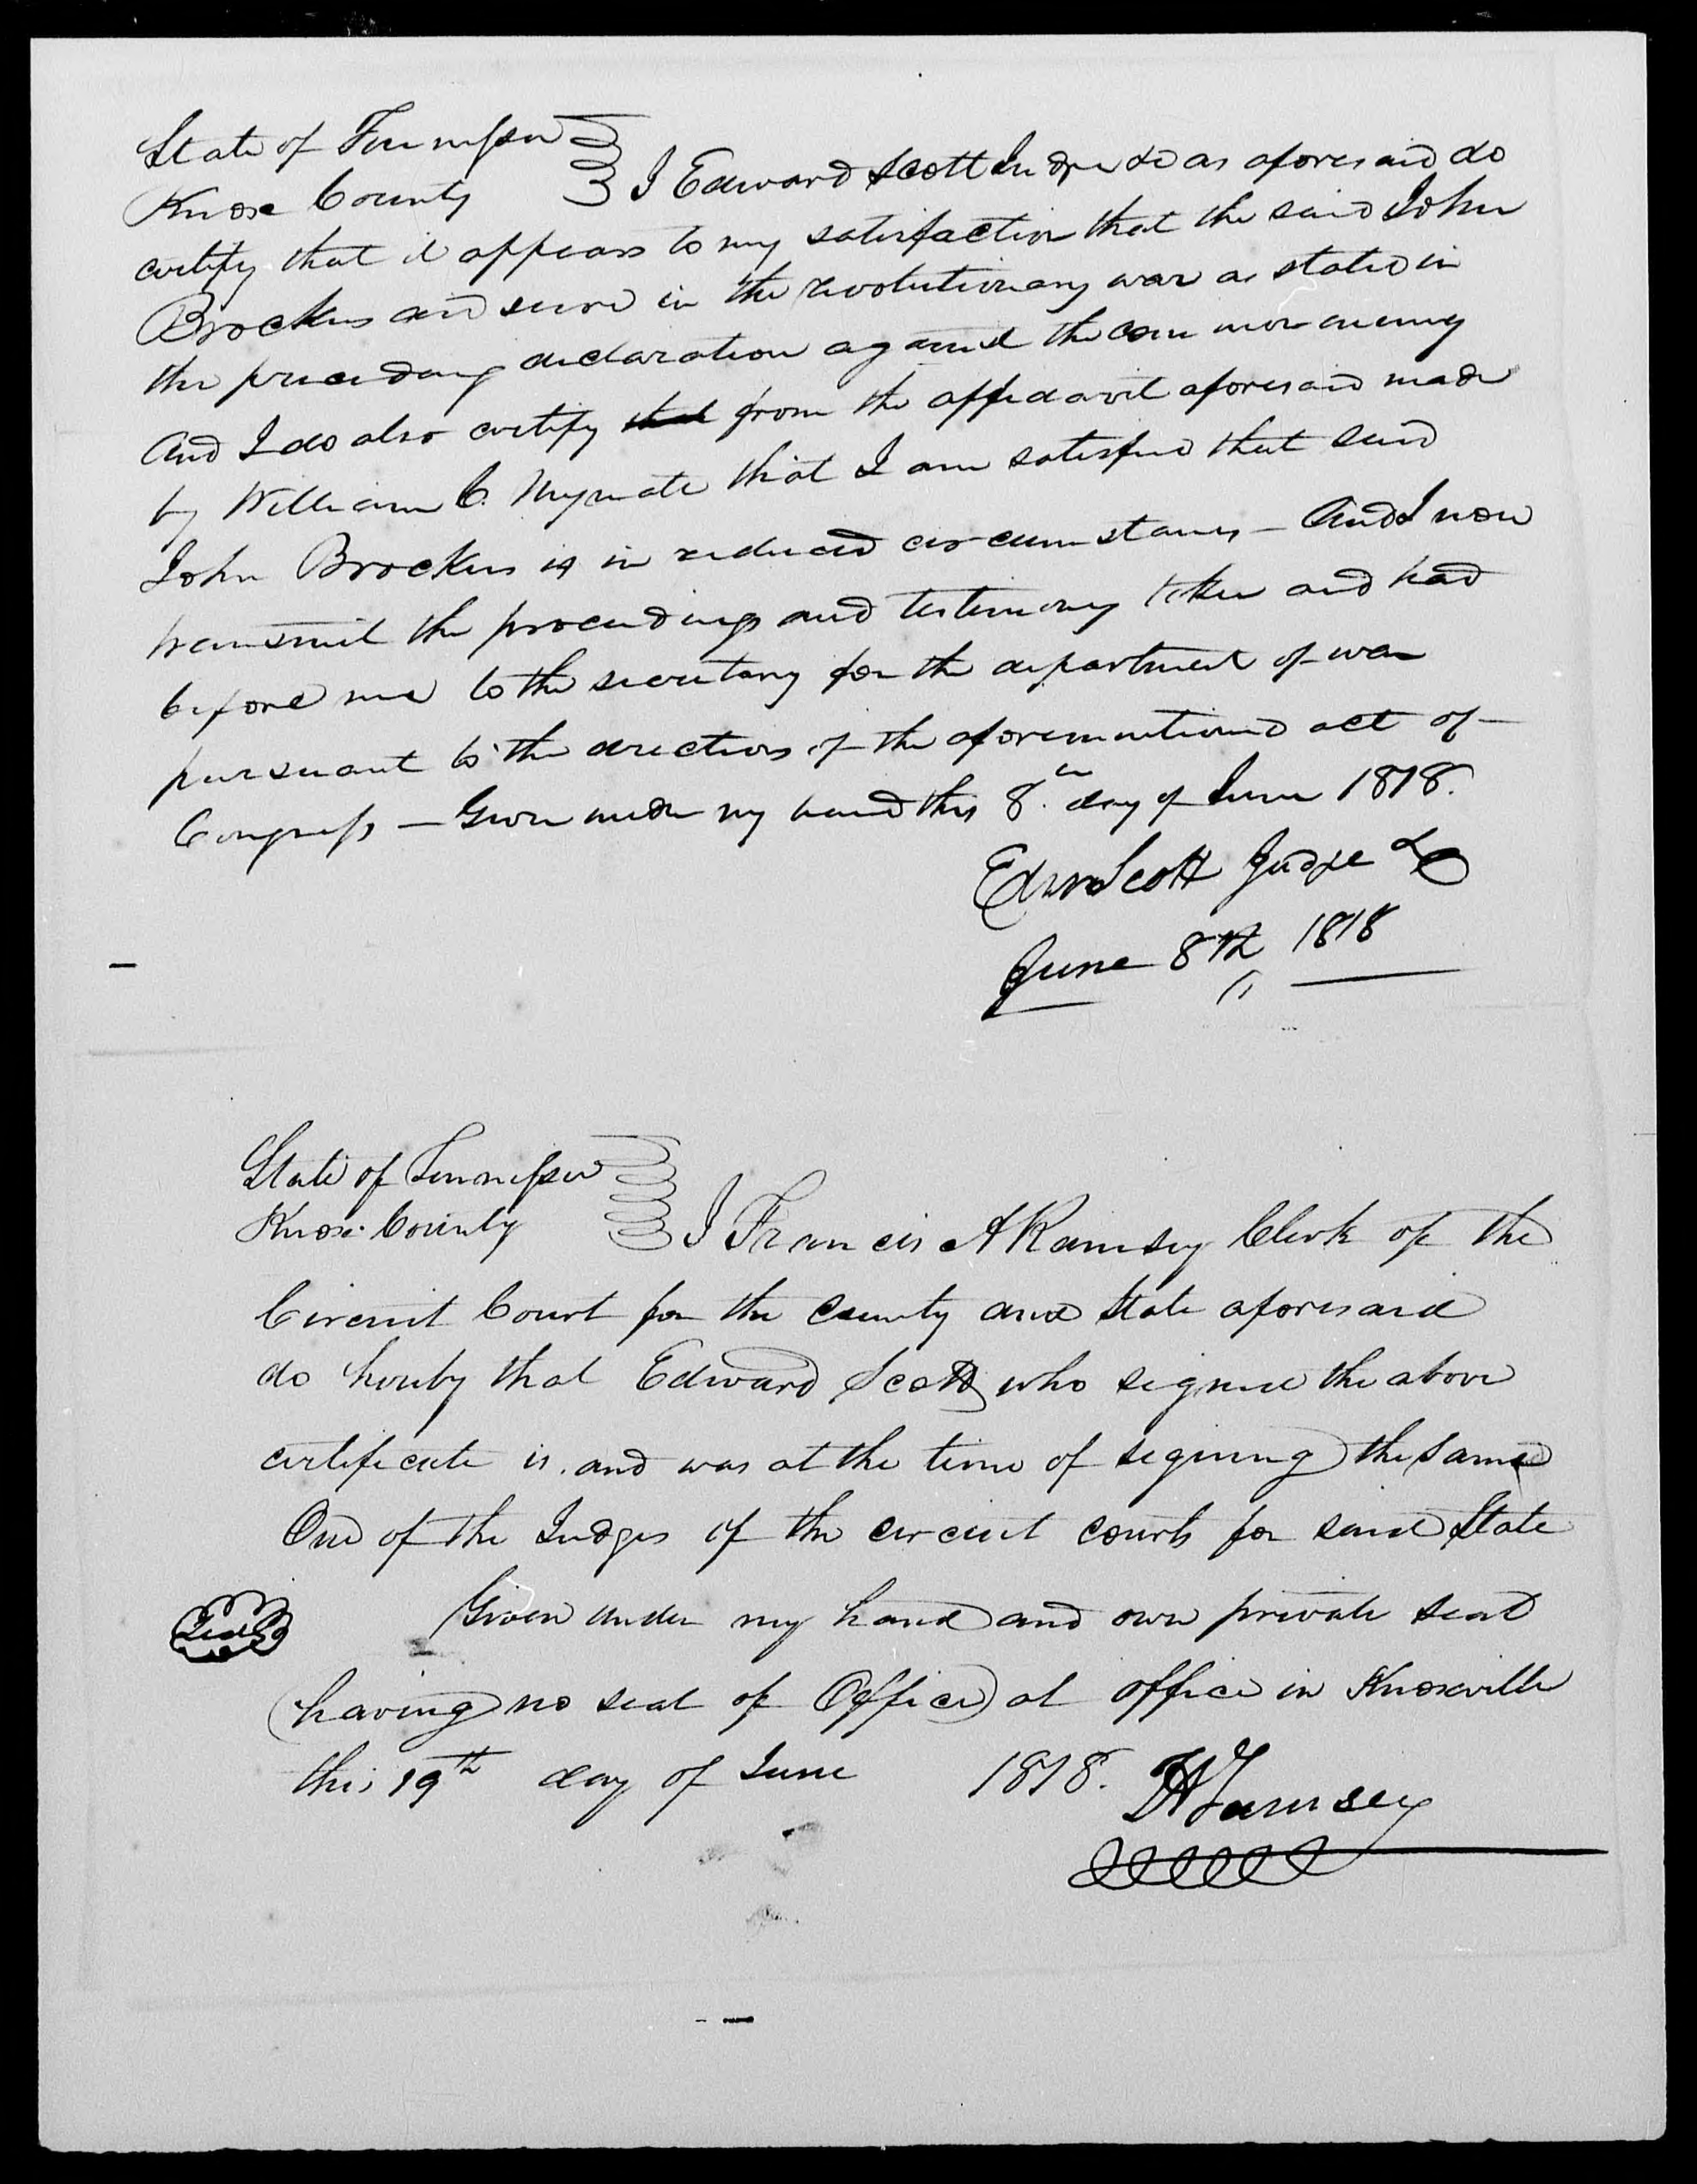State of Tennessee 
Knox County
I Edward Scott [illegible]an afore and do certify that it appears to my satisfaction that the said John Brockus did serve in the revolutionary war as stated in the prior days declaration against the common enemy [illegible] also certify from the [illegible] aforesaid made by William C Mynatt that I am satisfied that said John Brockus is in [illegible] now herewith the proceeding and following [illegible] and has before me to the secretary for the appointment of war pursuant to the [illegible] of the aforementioned act of Congress - from made my hand this 8th day of June 1818.
Edward Scott
June 8th 1818

State of Tennessee
Knox County
I Francis A Ramsey clerk of the Circuit Court for the County and State afore and do hereby that Edward Scott who [illegible] the above certificate is and was at the time of beginning the same One of the Judges of the circuit court for said State from under my hand and own private [illegible] having no seal of offices or office in Knoxville this 19th day of June 1818.
FA Ramsey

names: Edward Scott, Edward Scott, John Brockus, Francis A Ramsey, William C Mynatt, Edw Scott, John Brockus, F A Ramsey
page: 6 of 19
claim: survivor's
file: S. 39,224, John Brockus, Va.